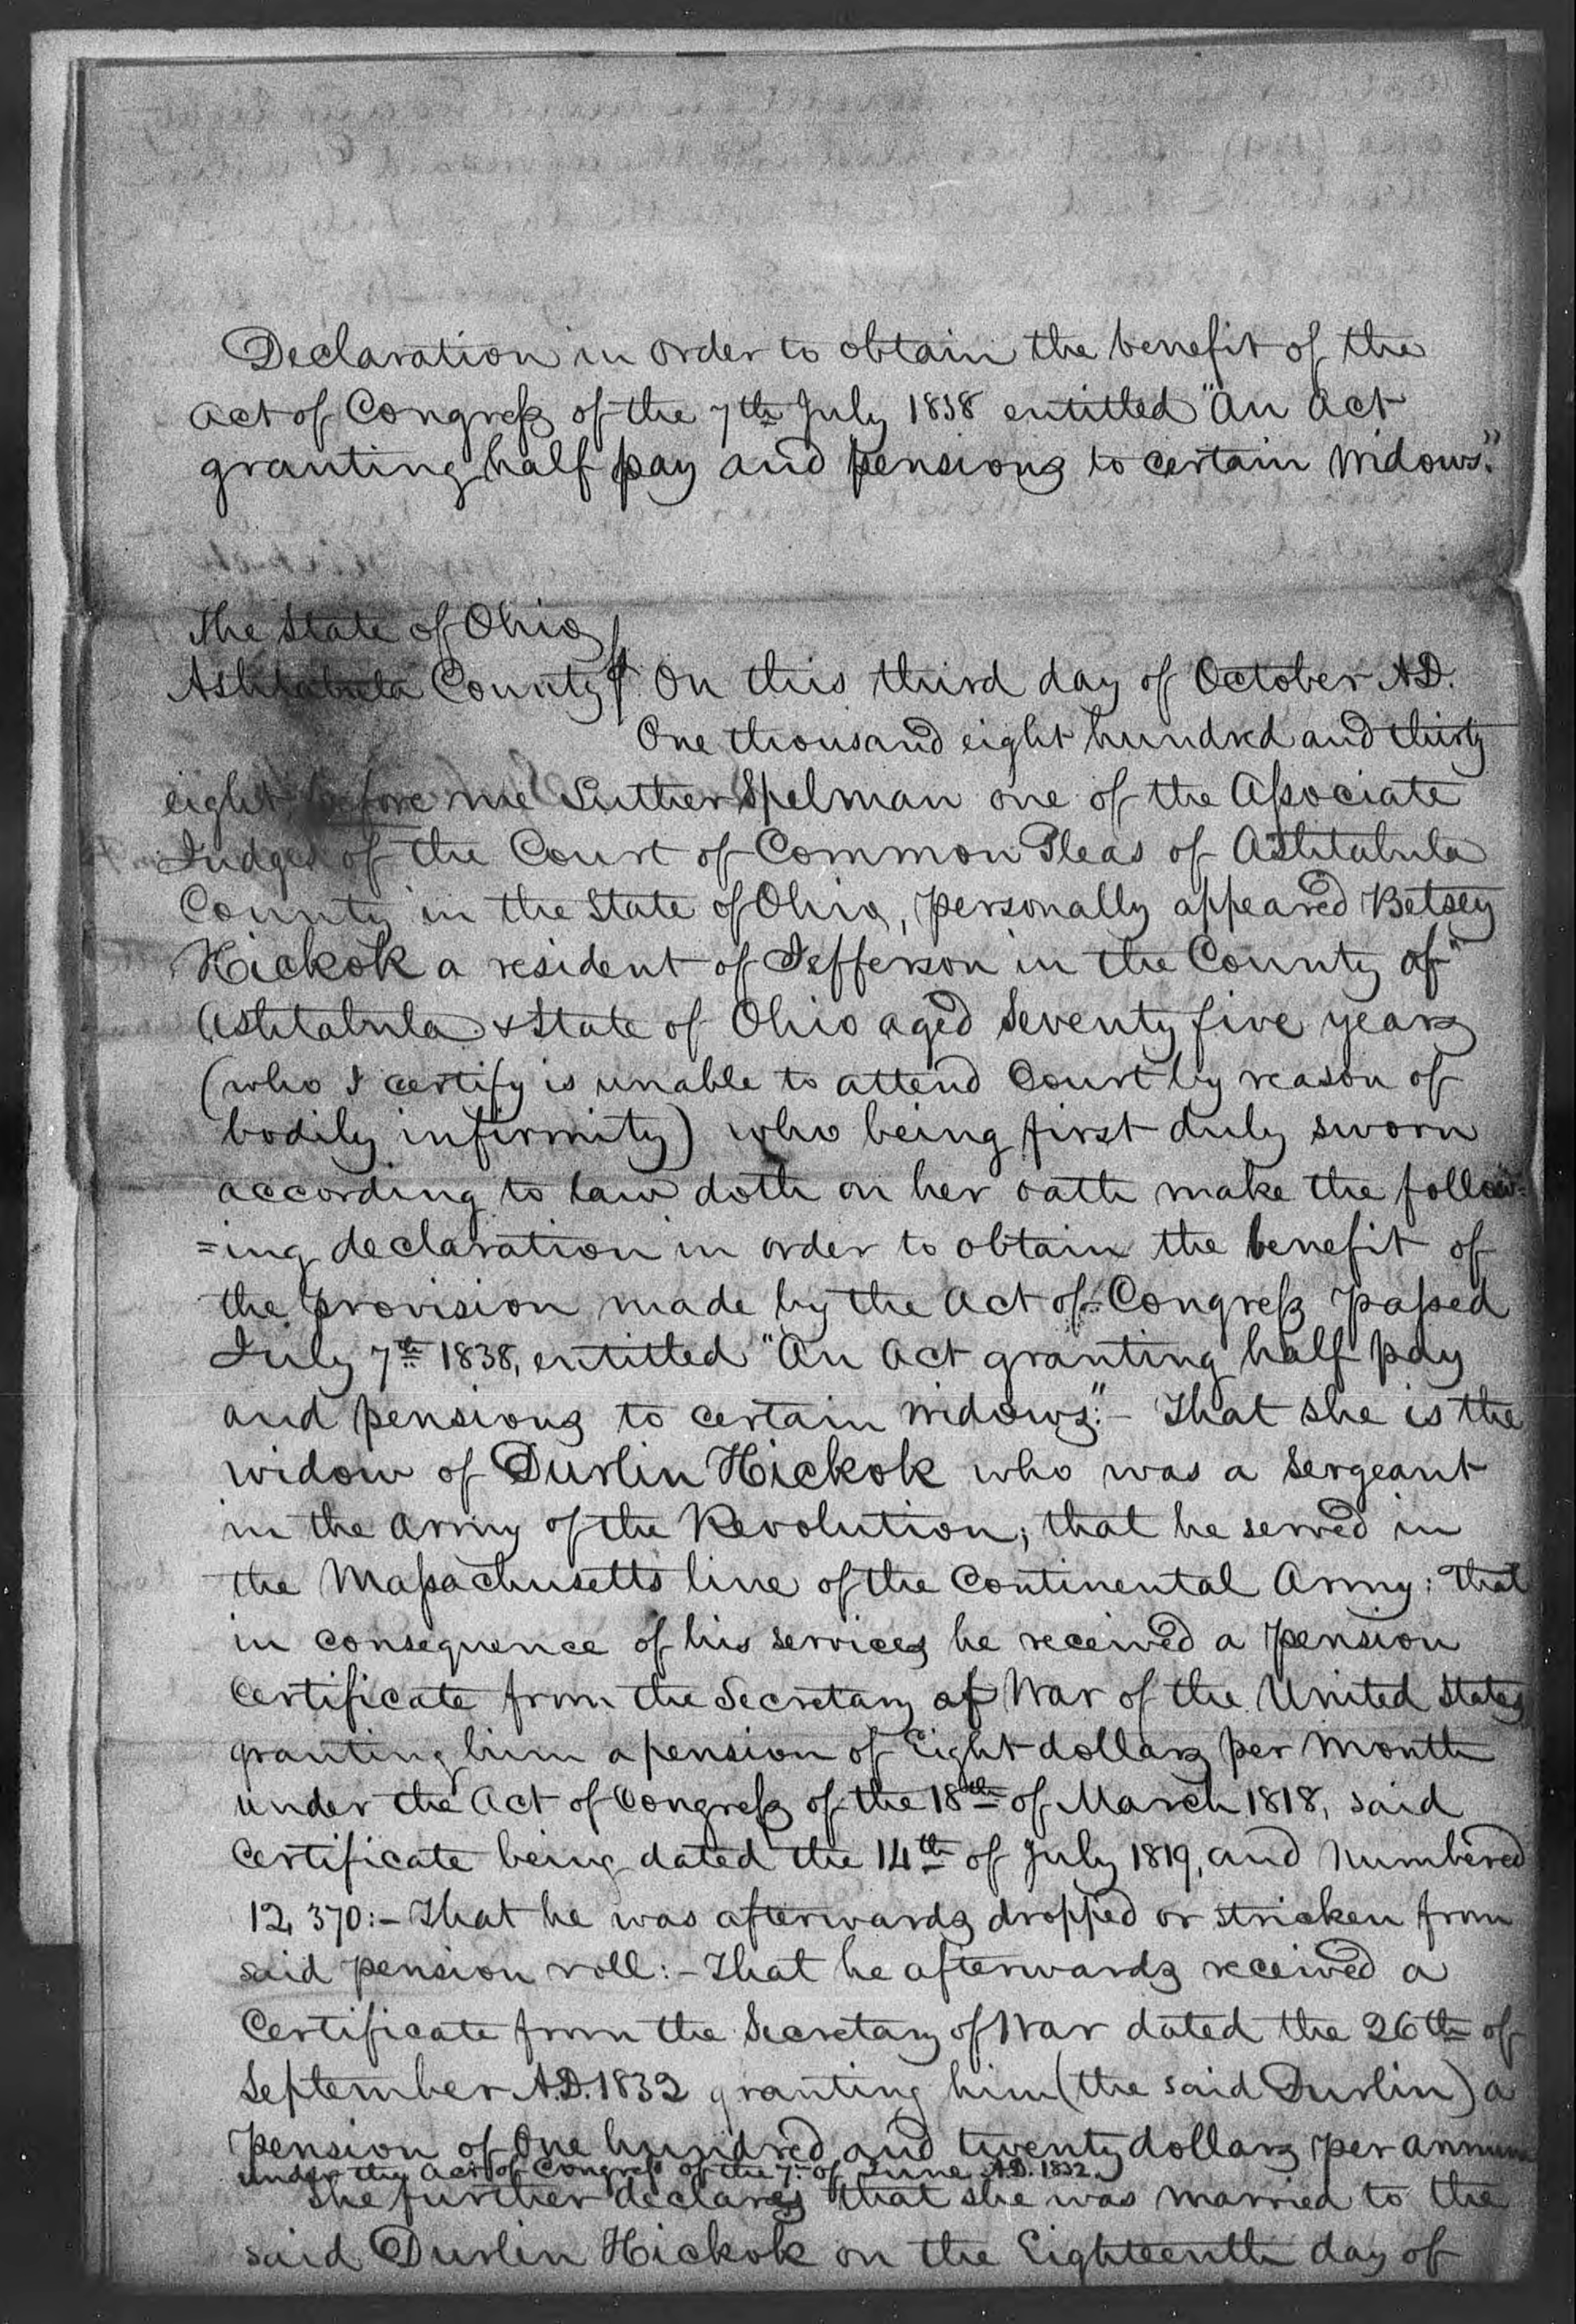The State of Ohio
Ashtabula County
  On this third day of October AD one thousand
eight hundred and thirty eight before me Luther Spellman one of the associate Judges of the Court of Common Pleas of Ashtabula County in 
the State of Ohio, personally appeared Betsey
Hickok a resident of Jefferson in the County of
Ashtabula & State of Ohio aged seventy five years (who I certify is unable to attend court by reason of infirmity) who being first duly sworn
according to law doth on her oath maie the following declaration in order to obtain the benefit of the provision made by the Act of
Congress passed July 7th 1838, entitled "an act granting half pay and pensions to certain widows". That she is the widow of Durbin Hickok who was a sergeant in the army of 
the Revolution, that he served in the 
Massachusetts line of the continental army. That in consequence off his service he received a pension certificate from the Secretary of War of the United States granting him a pension of eight dollars per month under the Act of Congress of the 18th of March 1818, said certificate being dated the 14th of July 1819, and numbered 12,370--that he was dropped or taken from said pension roll. That he afterwards received a certificate from the Secretary of War dated the 26th of September AD 1832 granting him (the said Durbin) a pension of one hundred and twenty dollars per annum under the Act of Congress of the 7th of June AD 1832.
     She further declares that she was married to the said Durbin Hickok on the eighteenth day of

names: Luther Spelman, Durlin, Durlin Hickok, Durlin Hickok, Betsey Hickok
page: 17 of 45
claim: widow's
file: W. 4988, Durlin Hickok, Mass.